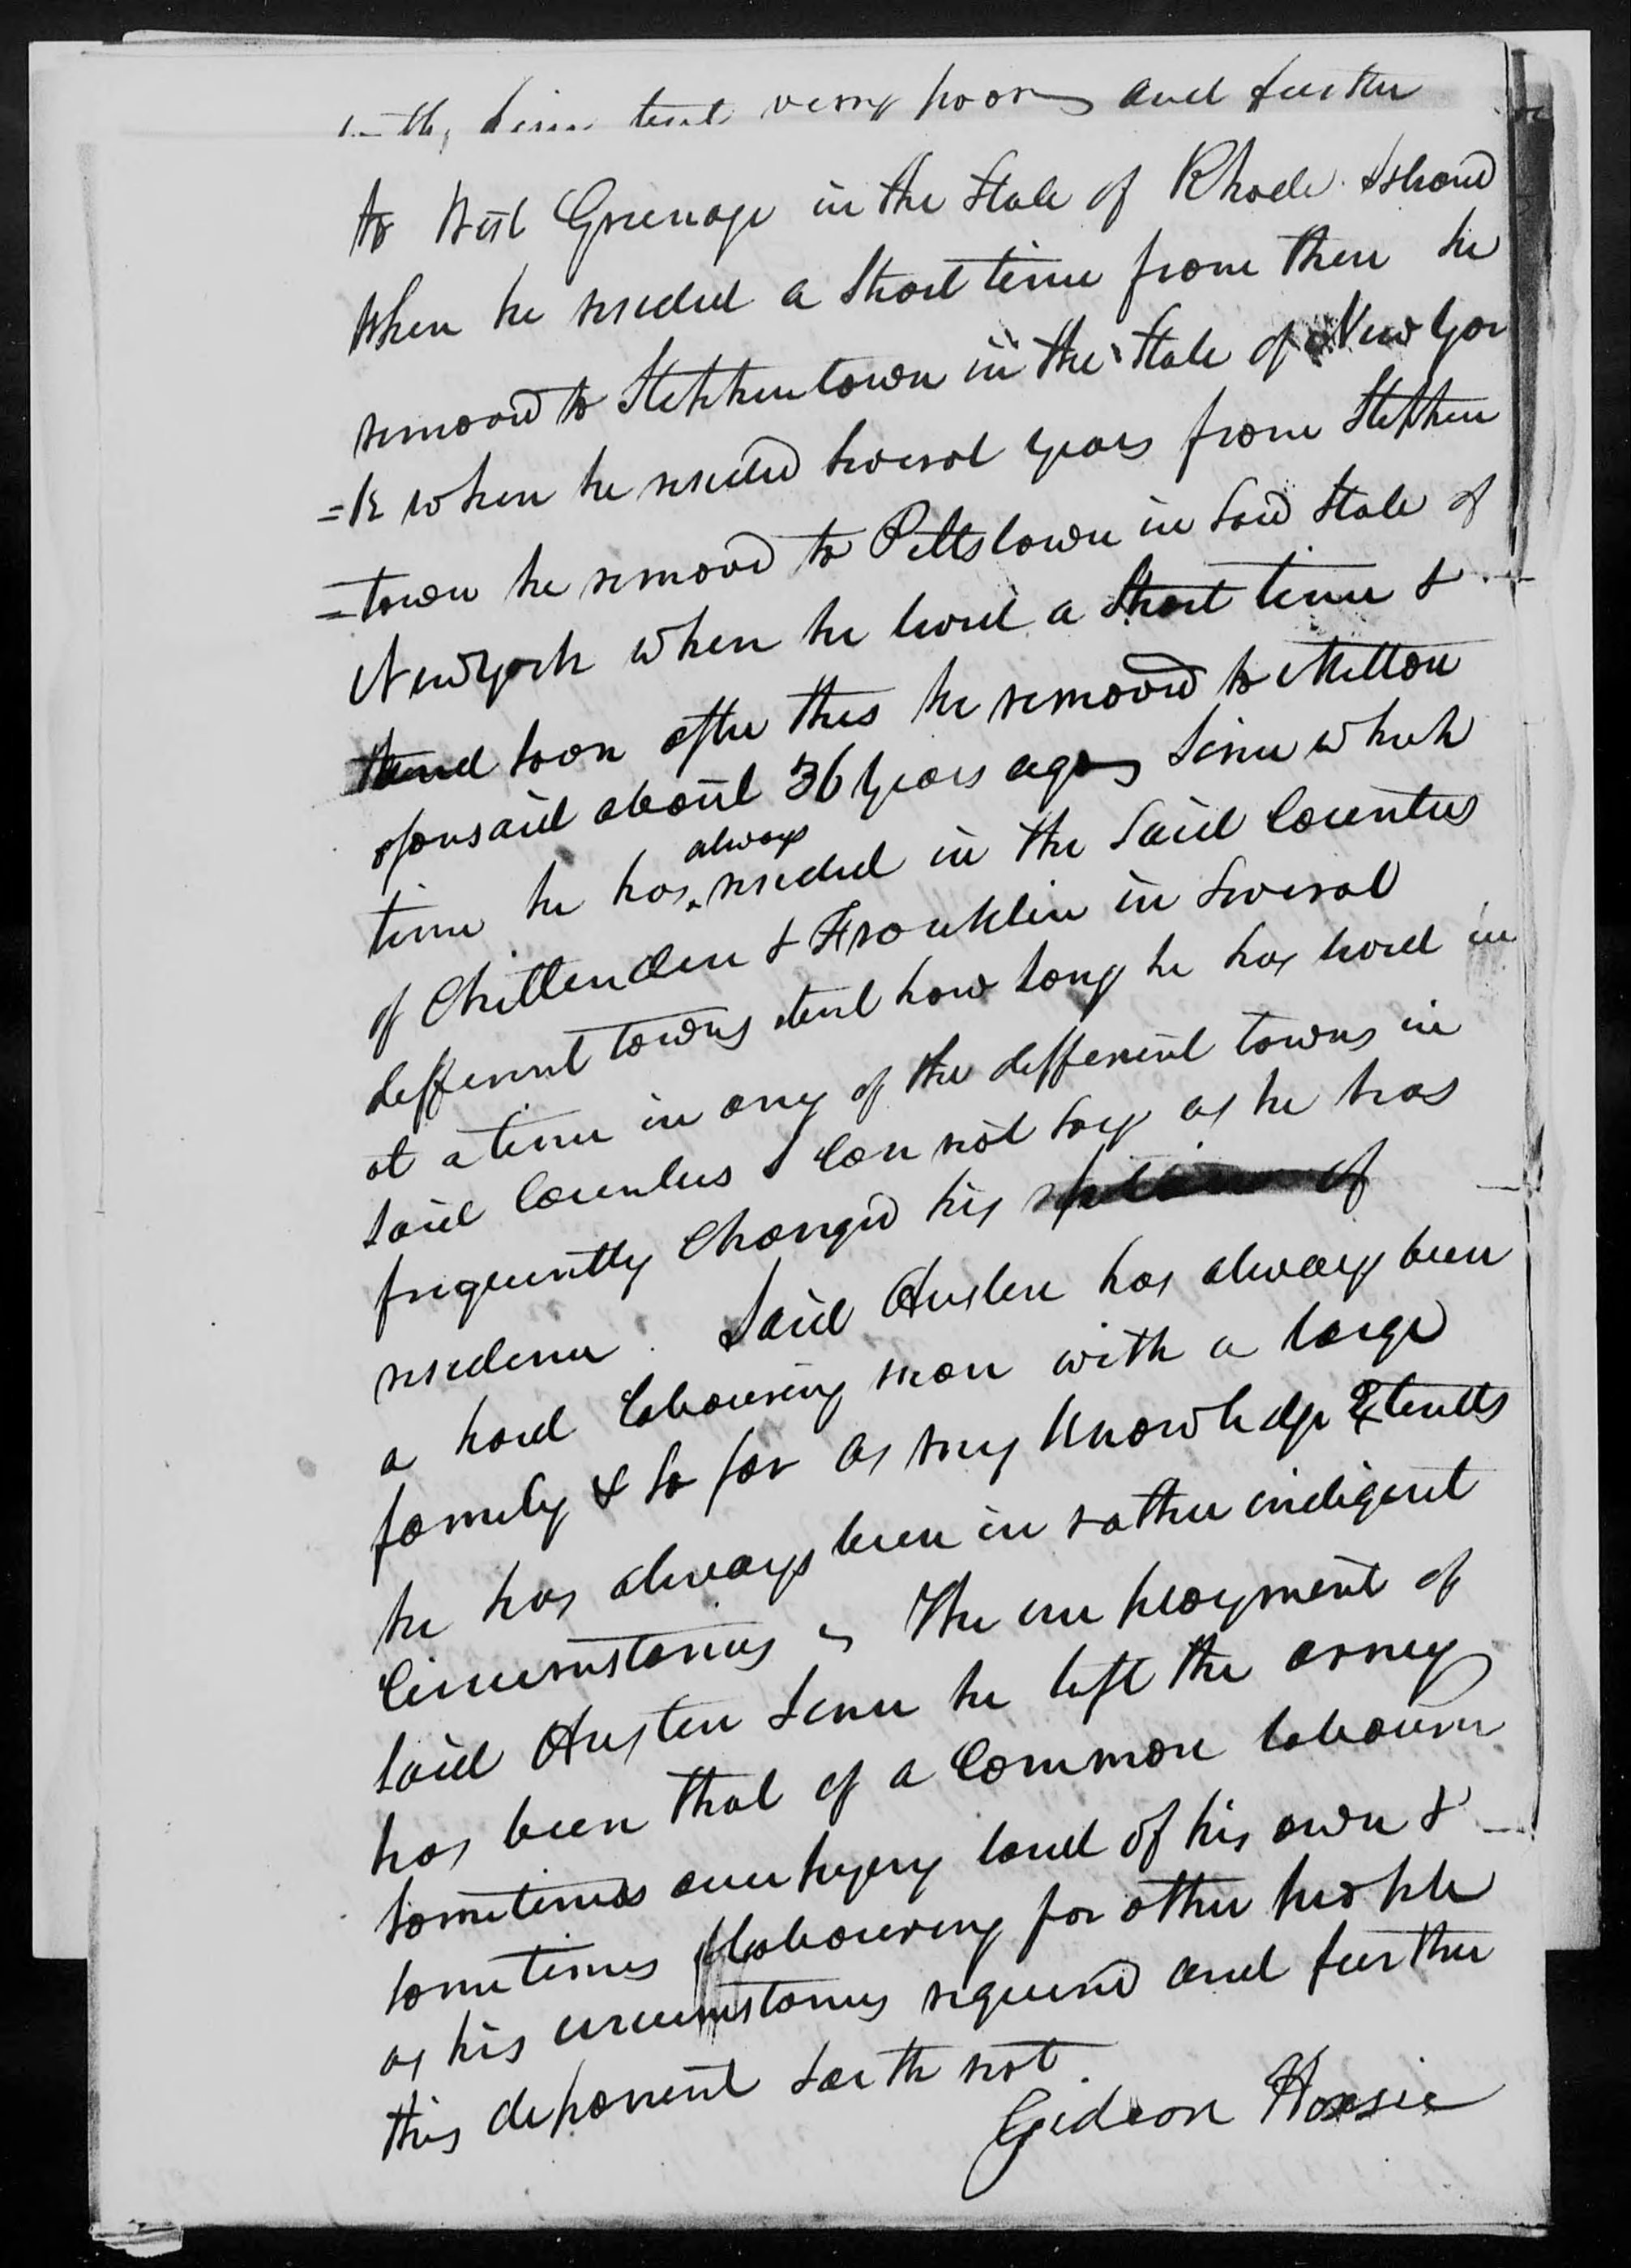[chopped off words] very long and further to West [illegible] in the State of Rhode Island when he resided a short time from there he moved to Stephentown in the State of New York when he removed to Pittstown in [illegible] State of New York when he lived a short time & moved soon after this he removed to Milton of aforesaid about 36 years ago. Since which time he has always resided in the said counties of Chittenden & Franklin in several different towns [illegible] how long he has lived at a time in any of the different towns in said counties can not say as he has frequently changed his [smudged words] residence. Said Austin has always been a hard labouring man with a large family & so far as my knowledge extends he has always been in rather indigent circumstances. The employment of said Austin since he left the army has been that of a common labourer. Sometimes over [illegible] land of his own & sometimes labouring for other people as his circumstances require and further this deponent forth not.
Gideon Hoxie [signature]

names: Austin, Gideon Hoxsie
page: 10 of 100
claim: survivor's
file: S 19186, James Austin, Conn. New York R.I.